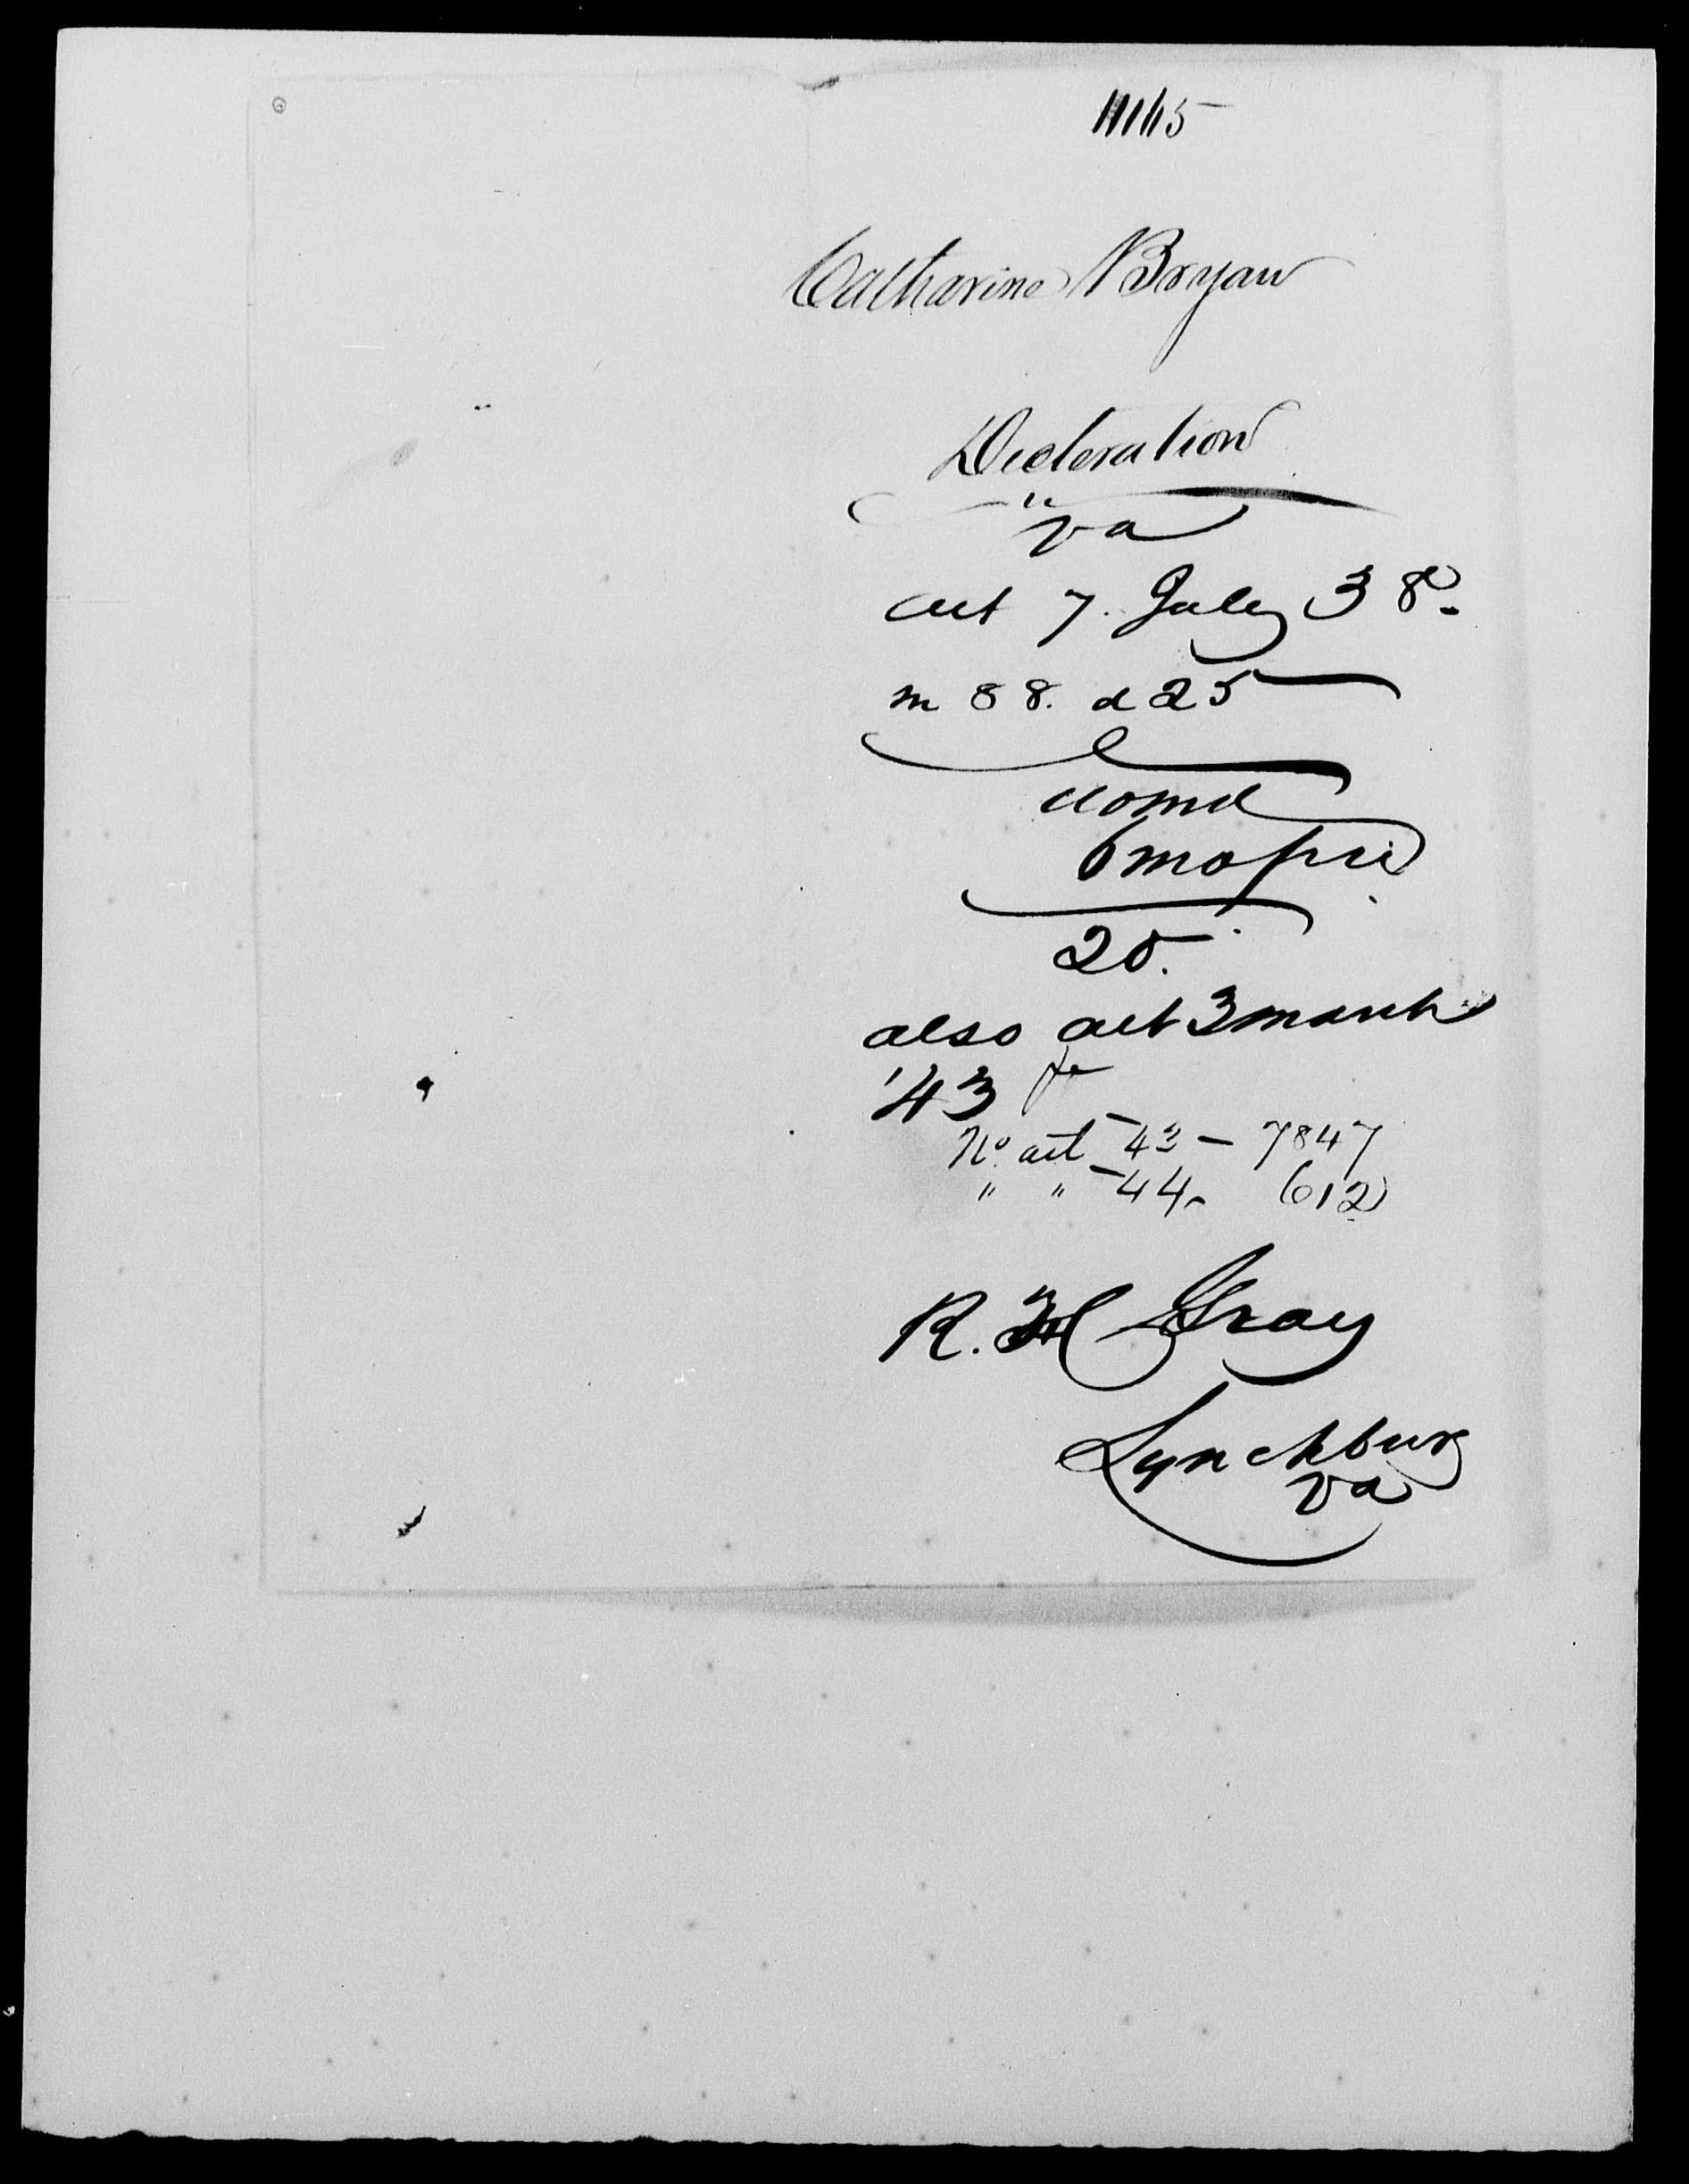111h5

Catharine Bryan

Declaration
Va
cut 7. July 38.
m 88. d 25
command
6 mo [illegible] 
also out 3 months
‘43 [illegible] 
no cut 43 - 7847
" " 44 - 612

[signature] R. H Gray 
Lynchburg 
Va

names: R H Gray, Catharine Bryan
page: 16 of 31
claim: widow's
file: W. 3759, John Bryan, Va.